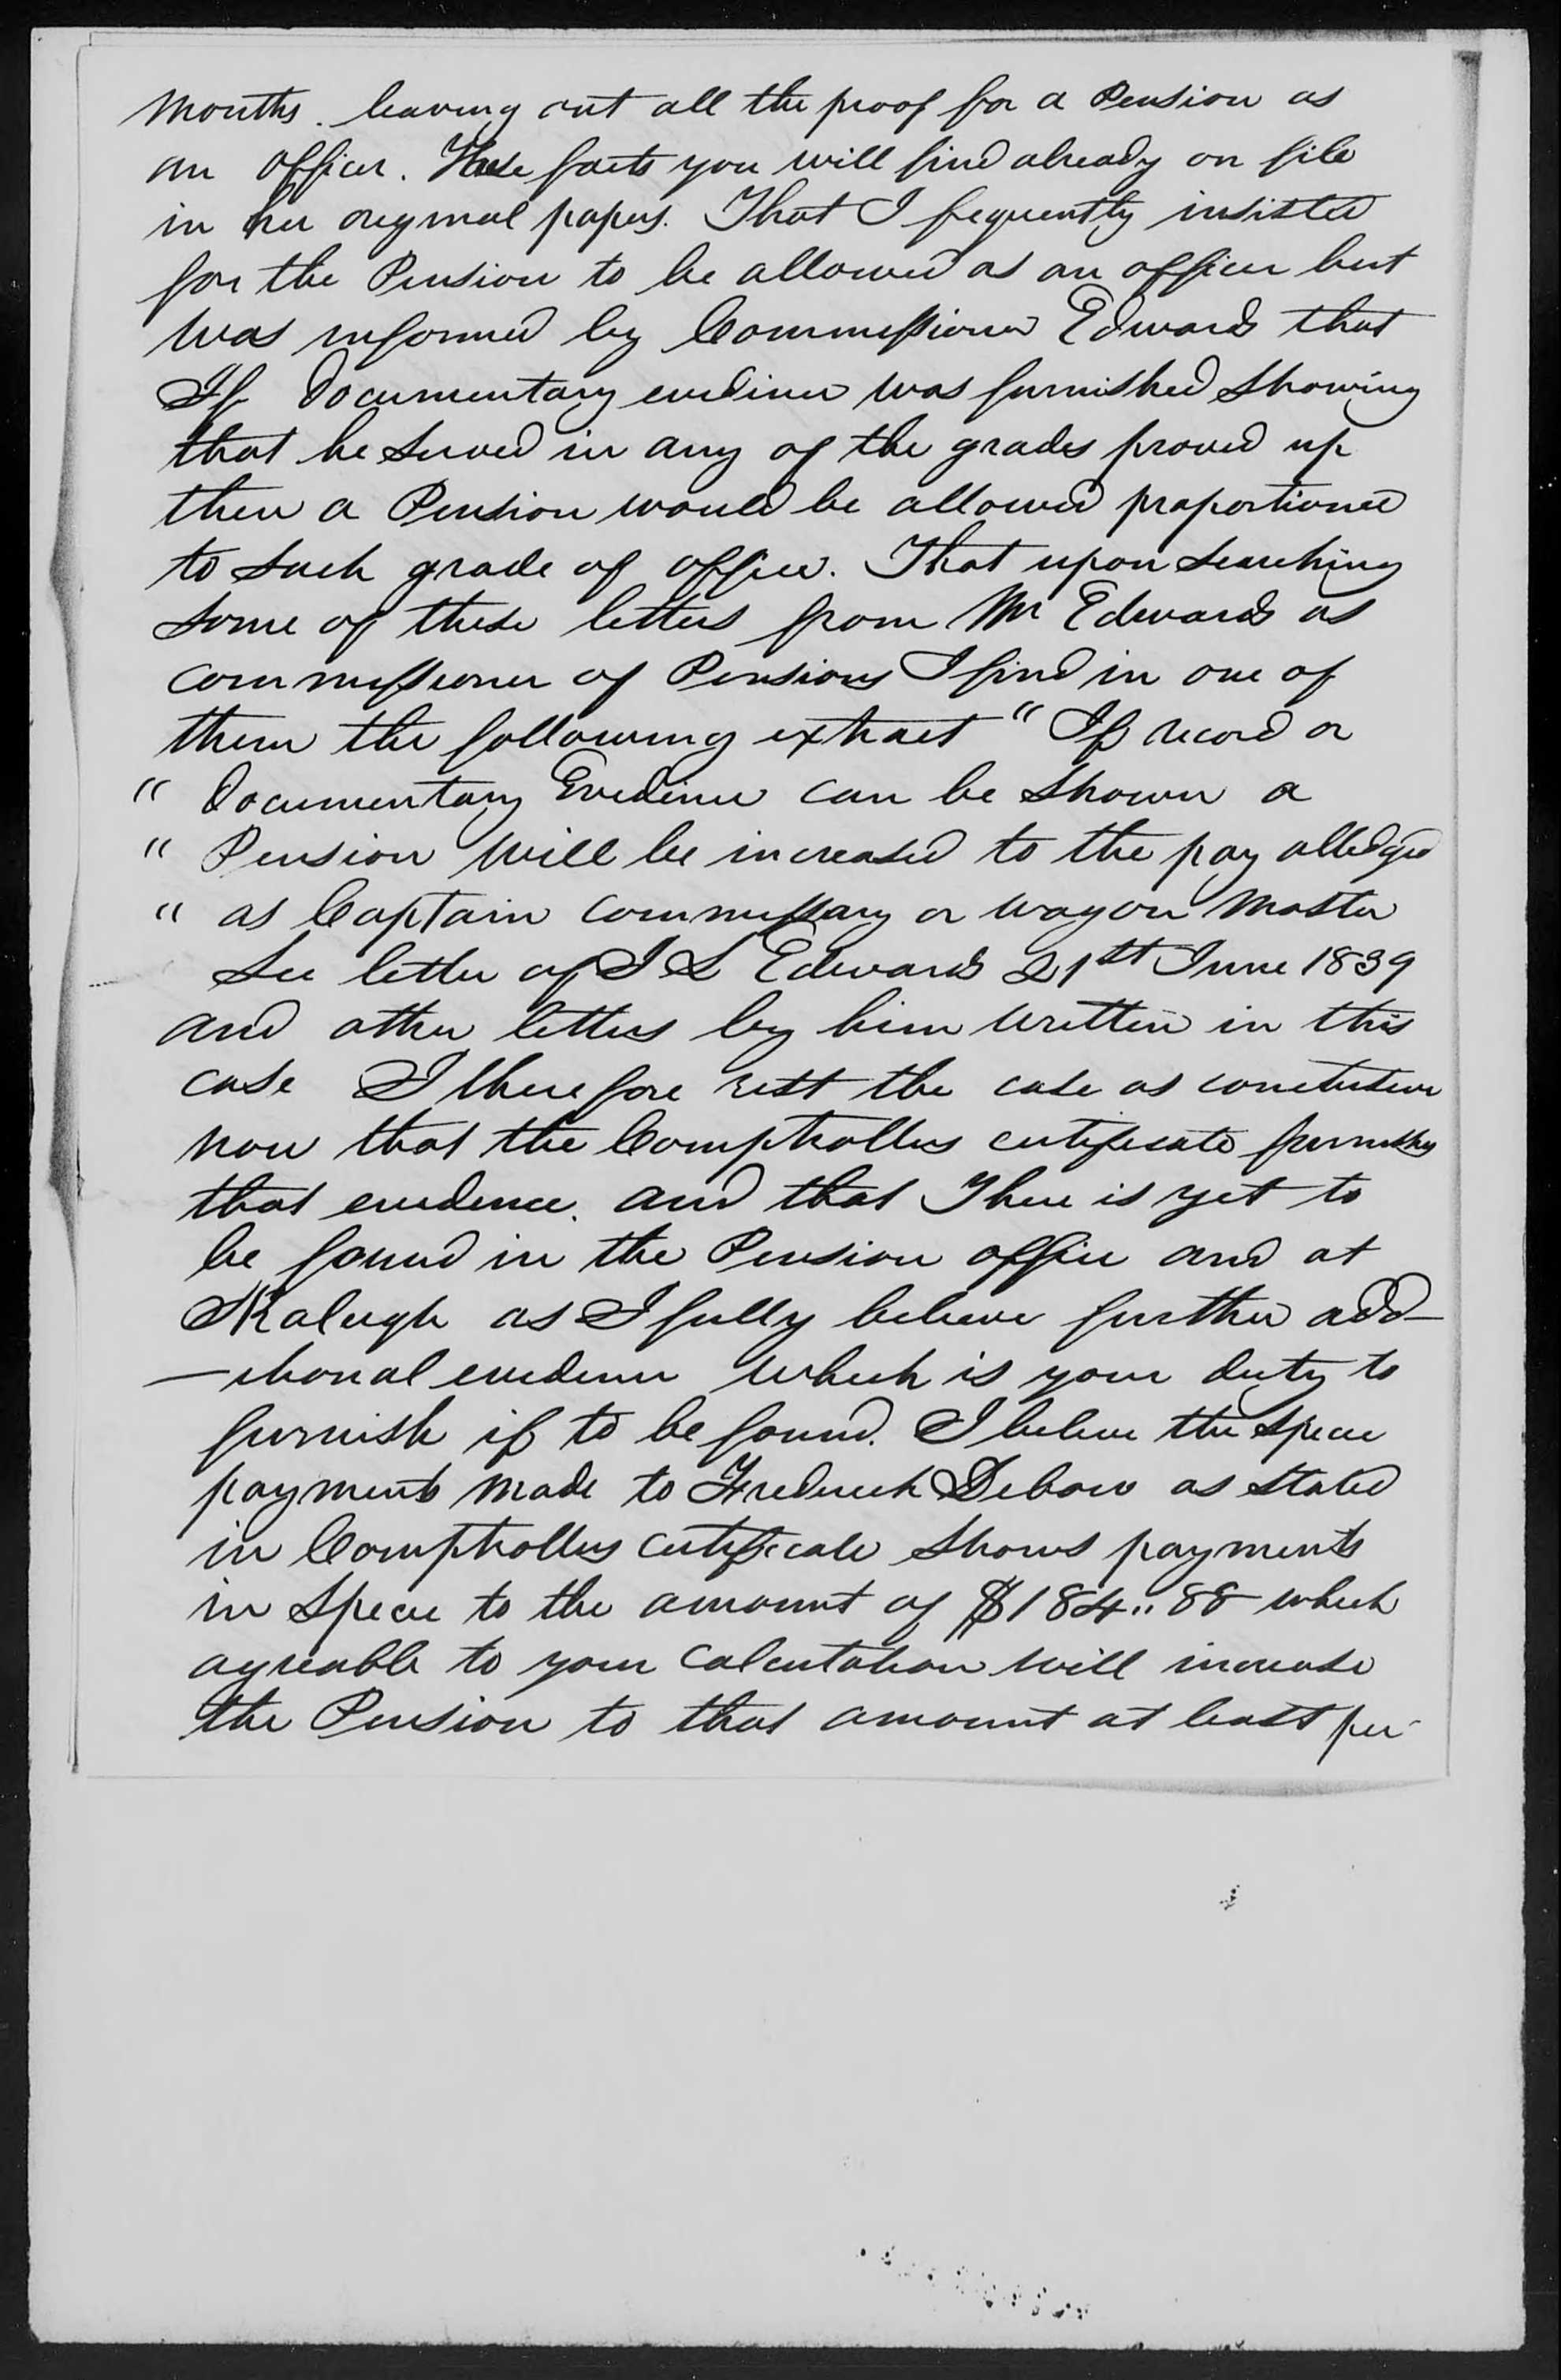Months leaving out all the proof for a pension as an officer. These facts you will find already on file in her original papers. That I frequently insisted for the pension to be allowed as an  officer but was informed by Commissioner Edwards that if documentary evidence was furnished showing that he served in any of the grades proved up then a pension would be allowed proportioned to such grade of office. That upon searching some of the letters from Mr  Edwards as commissioner of Pensions I find in one of them the following extract “If record or “documentary evidence can be shown a “pension will be increased to that pay  alleged “ as Captain commissary or Wagon Master
See letter of J L Edwards 21st June 1839 and other letters by him written in this case. I therefore rest the case as [illegible]  now that the Comptrollers certificate pension as that evidence and that There is yet to be found in the Pension Office and at Raleigh as I fully believe further add -itional evidence which is your duty to furnish if to be found. I believe that specie payments made to Frederick Debow as state in Comptrollers certificate shows payments in specie to the amount of $184..88 which agreeable to your calculation will increase the Pension to that amount at least per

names: Edwards, Edwards, Frederick Debow, J L Edwards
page: 30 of 62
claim: widow's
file: W 7005, Frederick Debow, N.C.